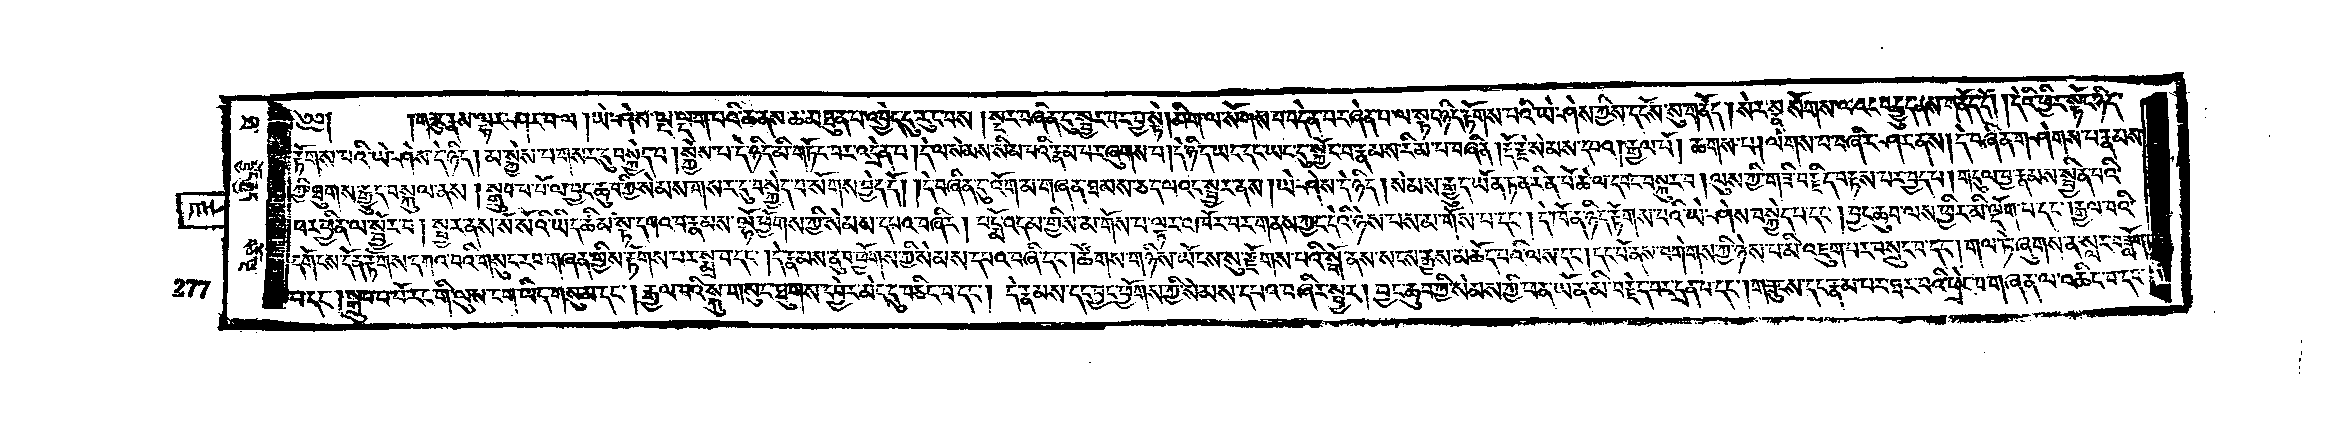༄༅། །གཟུང་རྣམ་ལྷར་ཤར་བ་ལ། ཡེ་ཤེས་ལྔ་ལྡག་པའི་ཆ་ནས་ཆ་མཐུན་པ་འབྱེད་དུ་རུང་བས། སྔར་བཞིན་དུ་སྦྱར་བར་བྱ་སྟེ། མིག་ལ་སོགས་པ་བདེན་པར་ཞེན་པ་ལ་སྟོང་ཉིད་རྟོགས་པའི་ཡེ་ཤེས་ཀྱི་དངོས་སུ་གནོད། སེར་སྣ་སོགས་ལའང་བརྒྱུད་ནས་གནོད་དོ། །དེའི་ཕྱིར་སྟོང་ཉིད་
རྟོགས་པའི་ཡེ་ཤེས་དེ་ཉིད། མ་སྐྱེས་པ་གསར་དུ་བསྐྱེད་པ། སྐྱེས་པ་དེ་ཉིད་མི་གཏོང་བར་འདྲེན་པ། དེ་ལ་སེམས་སིམ་པའི་རྣམ་པར་ཞུགས་པ། དེ་ཉིད་ཡང་དང་ཡང་དུ་སྐྱོང་བར་རྣམས་རིམ་པ་བཞིན། རྡོ་རྗེ་སེམས་དཔའ། །རྒྱལ་པོ། །ཆ་པ། ལེགས་པ་བཞིར་ཤར་ནས། དེ་བཞིན་གཤེགས་པ་རྣམས་
ཀྱི་ཐུགས་རྒྱུད་བསྐུལ་ནས། སྒྲུབ་པ་པོ་ལ་བྱང་ཆུབ་ཀྱི་སེམས་གསར་དུ་བསྐྱེད་པ་སོགས་བྱེད་དོ། །དེ་བཞིན་དུའོག་མ་གཞན་ཐམས་ཅད་ལའང་སྦྱར་ནས། ཡེ་ཤེས་དེ་ཉིད། སེམས་རྒྱུད་ཡོན་ཏན་རིན་པོ་ཆེན་ལ་དབང་བསྐུར་བ། ལུས་ཀྱི་གཟི་བརྗིད་བརྟས་པར་བྱད་པ། གདུལ་བྱ་རྣམས་སྦྱིན་པའི་
ཕར་ཕྱིན་ལ་སྦྱར་བ། སྦྱར་ནས་སོ་སོའི་ཡིད་ཚིམ་སྟེ་དགའ་བ་རྣམས་ལྷོ་ཕྱོགས་ཀྱི་སེམས་དཔའ་བཞིར། དདམོ་འདམ་གྱིས་མ་གོས་པ་ལྟར་འཁོར་བར་གནས་ཀྱང་དེའི་ཉེས་པས་མ་གོས་པ་དང་། དེ་ཁོ་ན་ཉིད་རྟོགས་པའི་ཡེ་ཤེས་བསྐྱེད་པ་དང་། བྱང་ཆུབ་ལས་ཕྱིར་མི་ལྡོག་པ་དང་། རྒྱལ་བའི་
དགོངས་དོན་རྟོགས་དཀའ་བའི་གསུང་རབ་གཞན་གྱིས་རྟོགས་པར་སྨྲ་བ་དང་། དེ་རྣམས་ནུབ་ཕྱོགས་ཀྱི་སེམས་དཔའ་བཞི་དང་། ཚོགས་གཉིས་ཡོངས་སུ་རྫོགས་པའི་སྒོ་ནས་སངས་རྒྱས་མཆོད་པའི་ལས་དང་། དང་པོ་ནས་བགེགས་ཀྱི་ཉེས་པ་མི་འཇུག་པར་བསྲུང་བ་དང་། གལ་ཏེ་ཞུགས་ན་སླར་བཟློག་
པ་དང་། སྒྲུབ་པ་པོ་རང་གི་ལུས་ངག་ཡིད་གསུམ་དང་། རྒྱལ་བའི་སྐུ་གསུང་ཐུགས་དབྱེར་མེད་དུ་བཅིང་བ་དང་། དེ་རྣམས་དང་བྱང་ཕྱོགས་ཀྱི་སེམས་དཔའ་བཞིར་སྦྱར། བྱང་ཆུབ་ཀྱི་སེམས་ཀྱི་ཕན་ཡོན་མི་བརྗེད་པར་འདྲེན་པ་དང་། གཟུངས་དང་རྣམ་པར་ཐར་པའི་ཕྲེང་བ་གཞན་ལ་འཆིང་བ་དང་